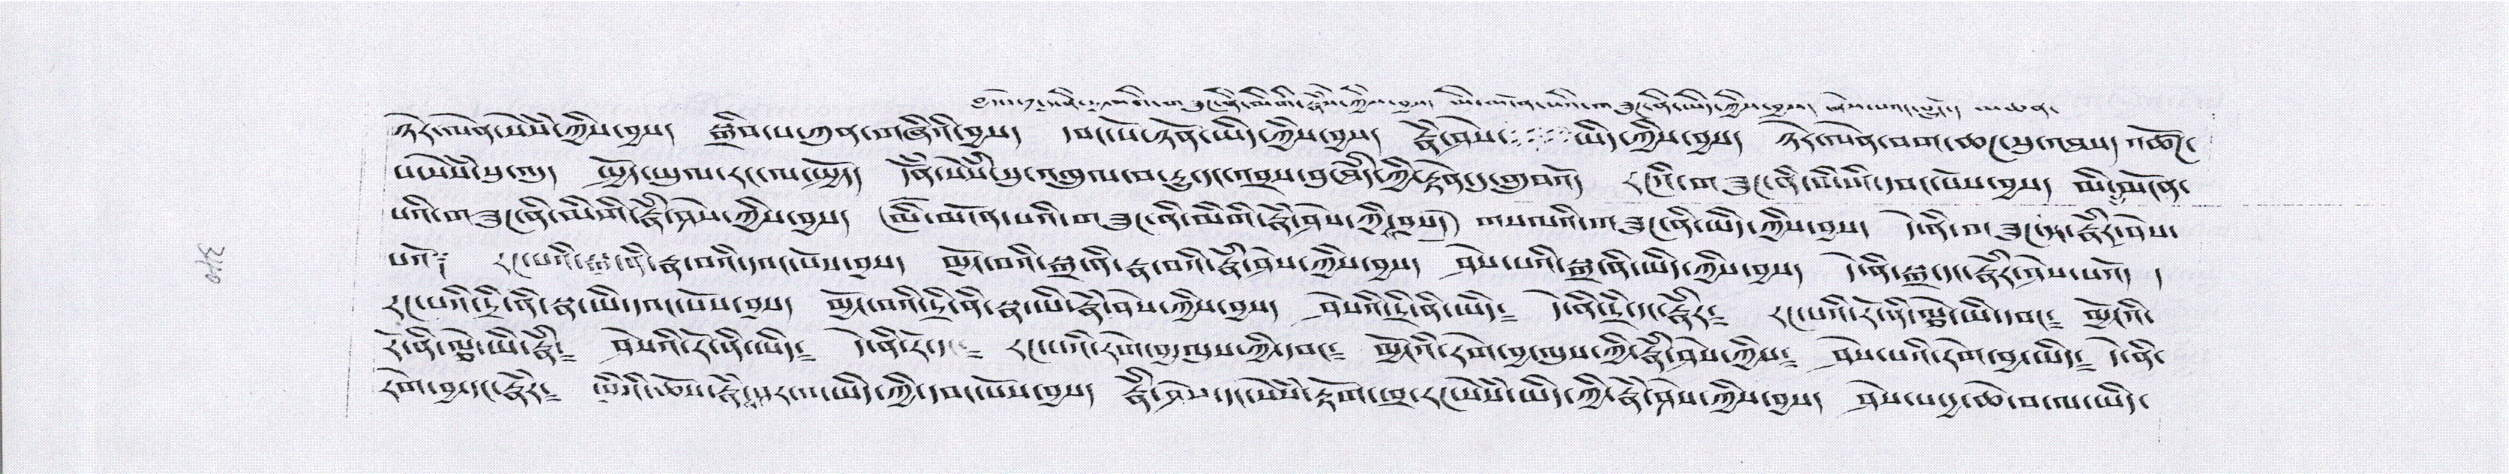ཉེར་ལེན་སེམས་ཀྱིས་བྱས། སྒྲིབ་པ་ཀུན་གཞིའི་བྱས། དབང་པོ་ཉོན་ཡིད་ཀྱིས་བྱས། རྣམ་ཤེས་ཡིད་ཀྱི་བྱས། ཉེར་ལེན་བག་ཆགས་སུ་འཐས། འཚོགས་
པ་སེམས་སུ་འདུ། སྤྱོད་ཡུལ་རང་ལ་སྤྱོད། དོན་དམ་སེམས་སུ་འཁྲུལ་བ་རྒྱུ་དང་འབྲས་བུ་ཐམས་ཅད་ཀྱི་རྟེན་དུ་གྲུབ་པའོ། རང་བཞིན་གཟུགས་ནི་མིག་གི་དབང་པོས་བྱས། མི་མངོན་
པའི་གཟུགས་ནི་མིག་གི་རྣམ་ཤེས་ཀྱིས་བྱས། གསལ་བའི་གཟུགས་ནི་ཡིད་ཀྱིས་བྱས། དེ་ནི་གཟུགས་དང་རྣམ་པར་ཤེས་
པའོ། རགས་པའི་སྒྲ་ནི་རྣ་བའི་དབང་པོས་བྱས། མྱོང་བའི་སྒྲ་ནི་རྣ་བའི་རྣམ་ཤེས་ཀྱིས་བྱས། ཤེས་པའི་སྒྲ་ནི་ཡིད་ཀྱིས་བྱས། དེ་ནི་སྒྲ་དང་རྣམ་པར་ཤེས་པའོ། 
རགས་པའི་དྲི་ནི་སྣ་ཡི་དབང་པོས་བྱས། མྱོང་བའི་དྲི་ནི་སྣ་ཡི་རྣམ་ཤེས་ཀྱི་བྱས། ཤེས་པའི་དྲི་ནི་ཡིད་རྣམ་ཤེས་ཀྱིས་བྱས། དེ་ནི་དྲི་དང་རྣམ་པར་་་་། རགས་པའི་ནི་ལྩེ་ཡིད་དབང་མྱོང་བའི་
རོ་ནི་ལྕེ་ཡི་དབང་་་་། མྱོང་བའི་རོ་ནི་ལྕེ་ཡི་རྣམ་་་་། ཤེས་པའི་རོ་ནི་ཡིད་་་་། དེ་ནི་རོ་དང་་་་། རགས་པའི་རེག་བྱ་ལུས་ཀྱི་དབང་་་་། མྱོང་བའི་རེག་བྱ་ལུས་ཀྱི་རྣམ་ཤེས་ཀྱིས་་་་། ཤེས་པའི་རེག་བྱ་ཡིད་་་་། དེ་ནི་
རེག་བྱ་དང་རྣམ་པར་་་་། ཕྱིའི་ཆོས་རྣམས་ཤར་བ་ཡིད་ཀྱི་དབང་པོས་བྱས། རྣམ་ཤེས་དང་སེམས་རྟོག་ཕྲ་རགས་སེམས་ཡིད་ཀྱི་རྣམ་ཤེས་ཀྱིས་བྱས། ཤེས་པ་རྒྱ་ཆེ་བ་ལ་ཡིད་